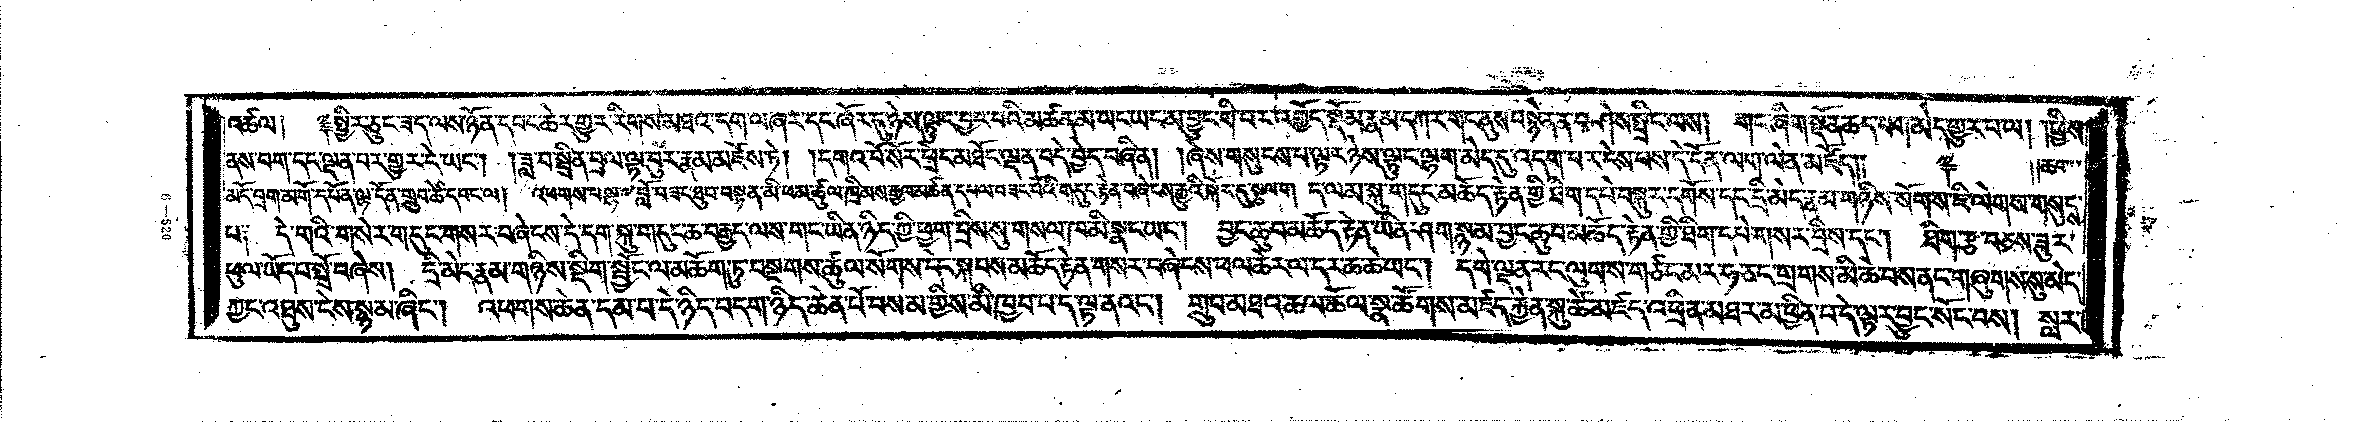འཚལ། ༈ སྤྱིར་ཅུང་ཟད་ལས་ཉོན་དབང་ཆེར་གྱུར་རིགས་མཐའ་དག་ལ་ཞར་དང་ཞོར་དུ་ཉེས་ལྟུང་བྱ་བའི་མཚན་མ་ཡང་ཡང་མ་བྱུང་གི་བར་འགྱོད་སྡོམ་རྣམ་དཀར་གང་ནུས་བསྙེན་ན་བཤེས་སྤྲིང་ལས། གང་ཞིག་སྔོན་ཆད་པག་མེད་གྱུར་པ་ལ། །ཕྱིས་
ནས་བག་དང་ལྡན་པར་གྱུར་དེ་ཡང་། །ཟླ་བ་སྤྲིན་བྲལ་ལྟ་བུར་རྣམ་མཛེས་ཏེ། །དགའ་བོ་སོར་ཕྲེང་མཐོང་ལྡན་བདེ་བྱེད་བཞིན། །ཞེས་གསུངས་པ་ལྟར་ཉེས་ལྟུང་ལྷག་མེད་དུ་འདག་པར་ངེས་པས་དེ་དོན་ལག་ལེན་མཛོད།། ༈ །།ཆབ་
མདོ་བྲག་མགོ་དཔོན་ལྷ་དོན་གྲུབ་ཚེ་དབང་ལ། འཕགས་པ་ལྷ ༧་བློ་བཟང་ཐུབ་བསྟན་མི་ཕམ་ཚུལ་ཁྲིམས་རྒྱལ་མཚན་དཔལ་བཟང་པོའི་གདུང་རྟེན་བཞེངས་རྒྱུའི་སྐོར་དུ་སྩལ་བ། ད་ལམ་སྐུ་གདུང་མཆོད་རྟེན་གྱི་ཐིག་དཔེ་བསྐུར་དགོས་དང་དྲི་མེད་རྣམ་གཉིས་སོགས་ཇི་ལེགས་གསུངས་
པ༑ དེ་གའི་གསེར་གདུང་གསར་བཞེངས་དེ་དག་སྐུ་གདུང་ཆ་བརྒྱད་ལས་གང་ཡིན་ཉིད་ཀྱི་ཕྱག་བྲིས་སུ་གསལ་ཁ་མི་སྣང་ཡང་། བྱང་ཆུབ་མཆོད་རྟེན་ཡིན་ཤག་སྙམ་བྱང་ཆུབ་མཆོད་རྟེན་གྱི་ཐིག་དཔེ་གསར་བྲིས་དང་། ཐིག་རྩ་བཅས་ཟུར་
ཕུལ་ཡོད་པ་སྤྲོ་བཞེས། དྲི་མེད་རྣམ་གཉིས་སྡིག་སྦྱོང་ལ་མཆོག་ཏུ་བསྔགས་ཚུལ་སོགས་དེང་སྐབས་མཆོད་རྟེན་གསར་བཞེངས་ཕལ་ཆེར་ལ་དར་ཆ་ཆེ་ཡང་། དགེ་ལྡན་རང་ལུགས་གཙང་མར་ཧ་ཅང་གྲགས་མི་ཆེ་བས་ནང་གཞུགས་སུ་མེད་
ཀྱང་འཐུས་ངེས་སྙམ་ཞིང་། འཕགས་ཆེན་དམ་པ་དེ་ཉིད་བདག་ཉིད་ཆེན་པོ་བསམ་གྱིས་མི་ཁྱབ་པ་ད་ལྟ་ནའང་། གྲུབ་མཐའ་ཆལ་ཆོལ་སྣ་ཚོགས་མཛད་རྐྱེན་སྐུ་ཚེ་མཛད་འཕྲིན་མཐར་མ་ཕྱིན་པ་དེ་ལྟར་བྱུང་སོང་བས། སླད་